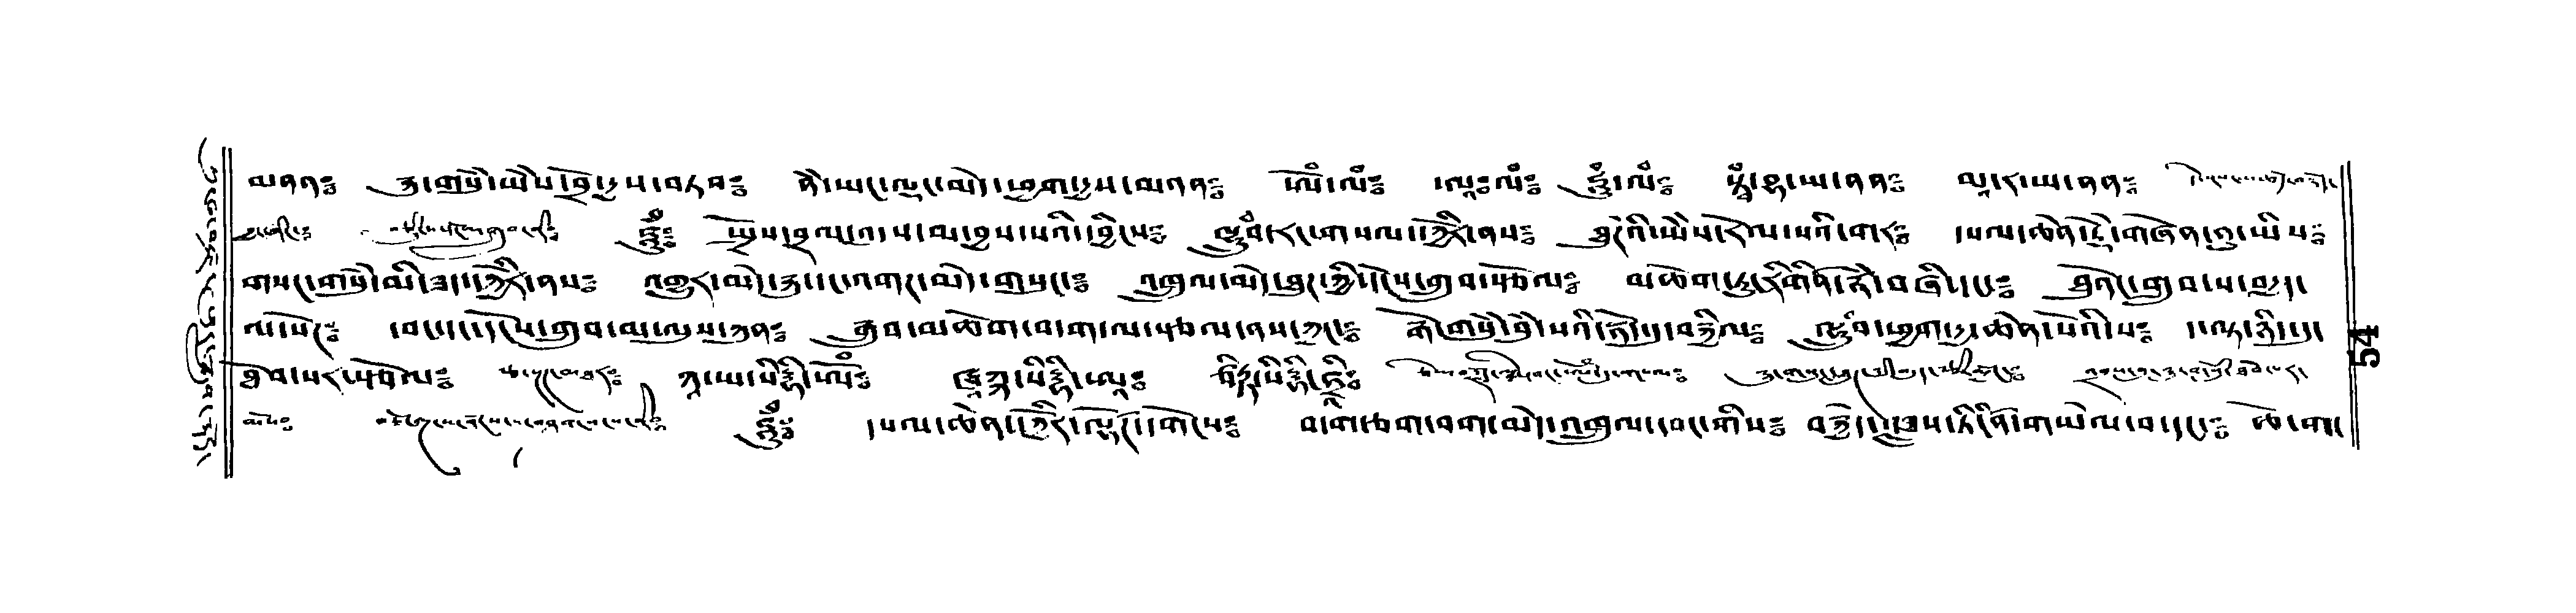མནན༔ སྐུ་གསུམ་ཡེ་ཤེས་བྲོ་རྒྱས་བཏབ༔ནམ་ཡང་ལྡང་མེད་ཕྱག་རྒྱས་མནན༔ ཨོཾ་ལཾ༔ ཨཱཿལཾ༔ ཧཱུྃ་ལཾ༔ སྟྭཾ་བྷ་ཡ་ནན༔ མཱ་ར་ཡ་ནན༔ དེ་ནས་མཆོད་བསྟོད་
བྱ་ཞིང༔ བཅུ་བཞི་དངོས་གྲུབ་ནི༔ ཧཱུྃ༔ སྤྲོས་བྲལ་འདུས་མ་བྱས་པའི་དབྱིངས༔ ལྷུན་གྲུབ་རང་གསལ་དཀྱིལ་འཁོར་ནས༔ ཐུགས་རྗེའི་ཡེ་ཤེས་རོལ་པའི་གར༔ དཔལ་ཆེན་རྡོ་རྗེ་གཞོན་ནུ་ཡིས༔ 
གསང་གསུམ་མི་ཟད་དཀྱིལ་འཁོར་ནས༔ འགྱུར་མེད་སྐུ་དང་འགགས་མེད་གསུང༔ འཁྲུལ་མེད་ཐུགས་ཀྱི་དངོས་གྲུབ་སྩོལ༔ མཆོག་ཏུ་རིག་འཛིན་རྣམ་བཞི་དང༔ ཐུན་མོང་གྲུབ་པ་བརྒྱད་
ལ་སོགས༔ དབང་དང་དངོས་གྲུབ་མ་ལུས་ཀུན༔ སྒྲུབ་མཆོག་བདག་ལ་བསྩལ་ནས་ཀྱང༔ སྒོ་གསུམ་བུམ་པའི་སྣོད་དུ་བསྐྱིལ༔ ལྷུན་གྲུབ་ཕྱག་རྒྱ་ཆེན་པོའི་ས༔ ད་ལྟ་ཉིད་དུ་
ཐོབ་པར་སྩོལ༔ རྩ་སྔགས་མཐར༔ ཀཱ་ཡ་སིདྡྷི་ཨོཾ༔ ཝཱཀྐ་སིདྡྷི་ཨཱཿ ཙིཏྟ་སིདྡྷི་ཧྲཱིཿ ཅེས་བརྗོད་ལྕེ་དབང་ཨོཾ་དུ་གསལ༔ སྐུ་གསུང་ཐུགས་ཀྱི་བདུད་རྩི་མྱོང༔ འབྲལ་བུ་སྐུ་གསུམ་ཐོབ་པར་
མོས༔ བཅོ་ལྔ་པ་ནོངས་པ་བཤགས་པ་ནི༔ ཧཱུྃ༔ དཔལ་ཆེན་དཀྱིལ་འཁོར་ལྷ་ཚོགས་དགོངས༔ བདག་ཅག་བག་མེད་འཁྲུལ་དབང་གིས༔ བསྐྱེད་བཟླས་ཏིང་འཛིན་གཡེལ་བ་དང༔ ཆོ་ག་